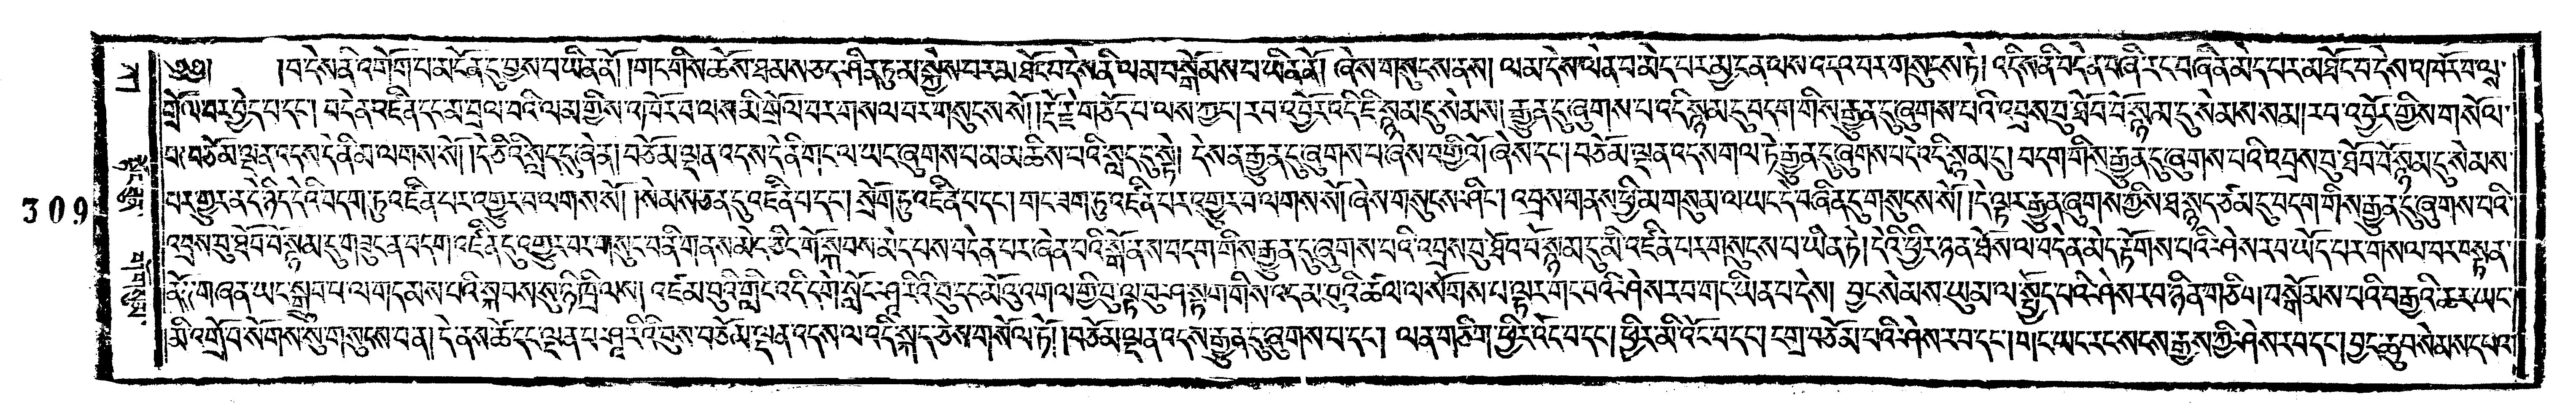༄༅། །བ་དེས་ནི་འགོག་པ་མངོན་དུ་བྱས་པ་ཡིན་ནོ། །གང་གིས་ཆོས་ཐམས་ཅད་ཤིན་ཏུ་མ་སྐྱེས་པར་མཐོང་བ་དེས་ནི་ལམ་བསྒོམས་པ་ཡིན་ནོ། ཞེས་གསུངས་ནས། ལམ་དེས་ལེན་པ་མེད་པར་མྱ་ངན་ལས་འདས་པར་གསུངས་ཏེ། འདིས་ནི་བདེན་བཞི་རང་བཞིན་མེད་པར་མཐོང་བ་དེས་འཁོར་བ་ལས་
གྲོལ་བར་བྱེད་བ་དང་། བདེན་འཛིན་དང་མ་བྲལ་བའི་ལམ་གྱིས་འཁོར་བ་ལས་མི་གྲོལ་བར་གསལ་བར་གསུངས་སོ། །རྡོ་རྗེ་གཅོད་པ་ལས་ཀྱང་། རབ་འབྱོར་འདི་ཇི་སྙམ་དུ་སེམས། རྒྱུན་དུ་ཞུགས་པ་འདི་སྙམ་དུ་བདག་གིས་རྒྱུན་དུ་ཞུགས་པའི་འབྲས་བུ་ཐོབ་བོ་སྙམ་དུ་སེམས་སམ། རབ་འབྱོར་གྱིས་གསོལ་
བ༑ བཅོམ་ལྡན་འདས་དེ་ནི་མ་ལགས་སོ། །དེ་ཅིའི་སླད་དུ་ཞེ་ན། བཅོམ་ལྡན་འདས་དེ་ནི་གང་ལ་ཡང་ཞུགས་པ་མ་མཆིས་པའི་སླད་དུ་སྟེ། དེས་ན་རྒྱུན་དུ་ཞུགས་པ་ཞེས་བགྱིའོ། ཞེས་དང་། བཅོམ་ལྡན་འདས་གལ་ཏེ་རྒྱུན་དུ་ཞུགས་པ་དེ་འདི་སྙམ་དུ། བདག་གིས་རྒྱུན་དུ་ཞུགས་པའི་འབྲས་བུ་ཐོབ་བོ་སྙམ་དུ་སེམས་
བར་གྱུར་ན་དེ་ཉིད་དེའི་བདག་ཏུ་འཛིན་པར་འགྱུར་བ་ལགས་སོ། །སེམས་ཅན་དུ་འཛིན་པ་དང་། སྲོག་ཏུ་འཛིན་པ་དང་། གང་ཟག་ཏུ་འཛིན་པར་འགྱུར་བ་ལགས་སོ། ཞེས་གསུངས་ཤིང་། འབྲས་གནས་ཕྱི་མ་གསུམ་ལ་ཡང་དེ་བཞིན་དུ་གསུངས་སོ། །དེ་ལྟར་རྒྱུན་ཞུགས་ཀྱིས་ཐ་སྙད་ཙམ་དུ་བདག་གིས་རྒྱུན་དུ་ཞུགས་པའི་
འབྲས་བུ་ཐོབ་བོ་སྙམ་དུ་གཟུང་ན་བདག་འཛིན་དུ་འགྱུར་བར་གསུང་བ་ནི་གནས་མེད་ཅིང་གོ་སྐབས་མེད་པས་བདེན་པར་ཞེན་པའི་སྒོ་ནས་བདག་གིས་རྒྱུན་དུ་ཞུགས་པའི་འབྲས་བུ་ཐོབ་བོ་སྙམ་དུ་མི་འཛིན་པར་གསུངས་པ་ཡིན་ཏེ། དེའི་ཕྱིར་ཉན་ཐོས་ལ་བདེན་མེད་རྟོགས་པའི་ཤེས་རབ་ཡོད་པར་གསལ་བར་བསྟན་
ནོ༑ ༑གཞན་ཡང་སྒྲུབ་པ་ལ་གདམས་པའི་སྐབས་སུ་ཉི་ཁྲི་ལས། འཛམ་བུའི་གླིང་འདི་དགེ་སློང་ཤཱ་རིའི་བུ་དང་མོའུ་འགལ་གྱི་བུ་ལྟ་བུ་ཤ་སྟག་གིས་འདམ་བུའི་ཚལ་ལ་སོགས་པ་ལྟར་གང་བའི་ཤེས་རབ་གང་ཡིན་པ་དེས། བྱང་སེམས་ཡུམ་ལ་སྤྱོད་པའི་ཤེས་རབ་ཉིན་གཅིག་བསྒོམས་པའི་བརྒྱའི་ཆར་ཡང་
མི་འགྲོ་བ་སོགས་སུ་གསུངས་བ་ན། དེ་ནས་ཚེ་དང་ལྡན་པ་ཤཱ་རིའི་བུས་བཅོམ་ལྡན་འདས་ལ་འདི་སྐད་ཅེས་གསོལ་ཏོ། །བཅོམ་ལྡན་འདས་རྒྱུན་དུ་ཞུགས་པ་དང་། ལན་གཅིག་ཕྱིར་འོང་བ་དང་། ཕྱིར་མི་འོང་བ་དང་། དགྲ་བཅོམ་པའི་ཤེས་རབ་དང་། གང་ཡང་རང་སངས་རྒྱས་ཀྱི་ཤེས་རབ་དང་། བྱང་ཆུབ་སེམས་དཔའ་